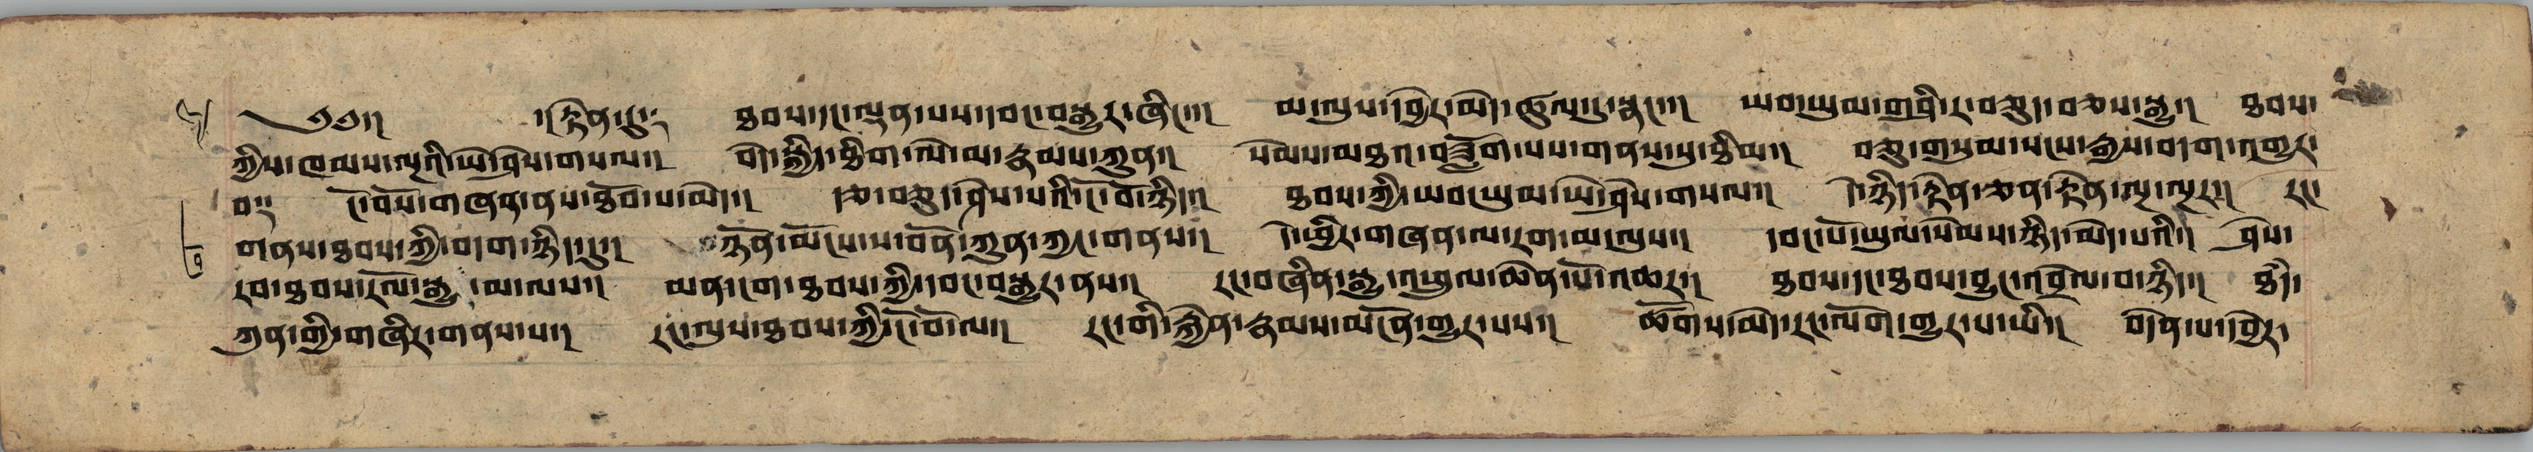༄༅་། ་།རྟེན་དུ༑ ཐབས་དང་ལྡན་པས་དབང་བསྒྱུར་ཞིང་་། མ་ལུས་དབྱེར་མེད་ཚུལ་དུ་སྣང་་། ཡབ་ཡུམ་གཤི་ར་བཅུད་བཅས་སྒྱུ་། ཐབས་
ཀྱིས་ཁམས་ལྔའི་ཡེ་ཤེས་གསལ་། བདེ་སྐྱིད་ཐིག་ལེ་མ་རྣམས་ཀུན་། སེམས་མཐའ་བཟློག་པས་གནས་སུ་ཐིམ་། བཅུ་གསུམ་སངས་རྒྱས་བདག་འགྱུར་
བ༑ ངོ་བོས་གཞན་ནས་ཐོབ་པ་མེད་། རྩ་བཅུད་ཤེས་པའི་ངོ་བོ་ཉིད་། ཐབས་ཀྱི་ཡབ་ཡུམ་ཡེ་ཤེས་གསལ་། དེ་ཉིད་རྟེན་ཅན་རྟེན་ལྔ་ལྔར་། རང་
གནས་ཐབས་ཀྱི་བདག་ཉིད་དུ་། ཉོན་མོངས་ས་བོན་ཀུན་ཀྱང་གནས་། དེ་ཕྱིར་གཞན་ལ་རག་མ་ལུས་། དབང་པོ་ཡུལ་སེམས་ཉིད་མེད་པའི་། ཤེས་
རབ་ཐབས་རོལ་སྒྱུ ་མ་ལས་། མན་ངག་ཐབས་ཀྱི་དབང་བསྒྱུར་ནས་། རང་བཞིན་སྒྱུ་འཕྲུལ་ཆེན་པོ་འཆར་། ཐབས་དང་ཐབས་བྱུང་འབྲེས་བ་ཉིད་། ཐཾད་
ཀུན་གྱི་གཞིར་གནས་པ་། རང་ལུས་ཐབས་ཀྱི་ངོ་བོ་ལ་། རང་གི་རྐྱེན་རྣམས་མངོན་གྱུར་པས་། ཚོགས་མེད་རང་ལོག་གྱུར་པ་ཡི་། བདེན་པ་དབྱེར་